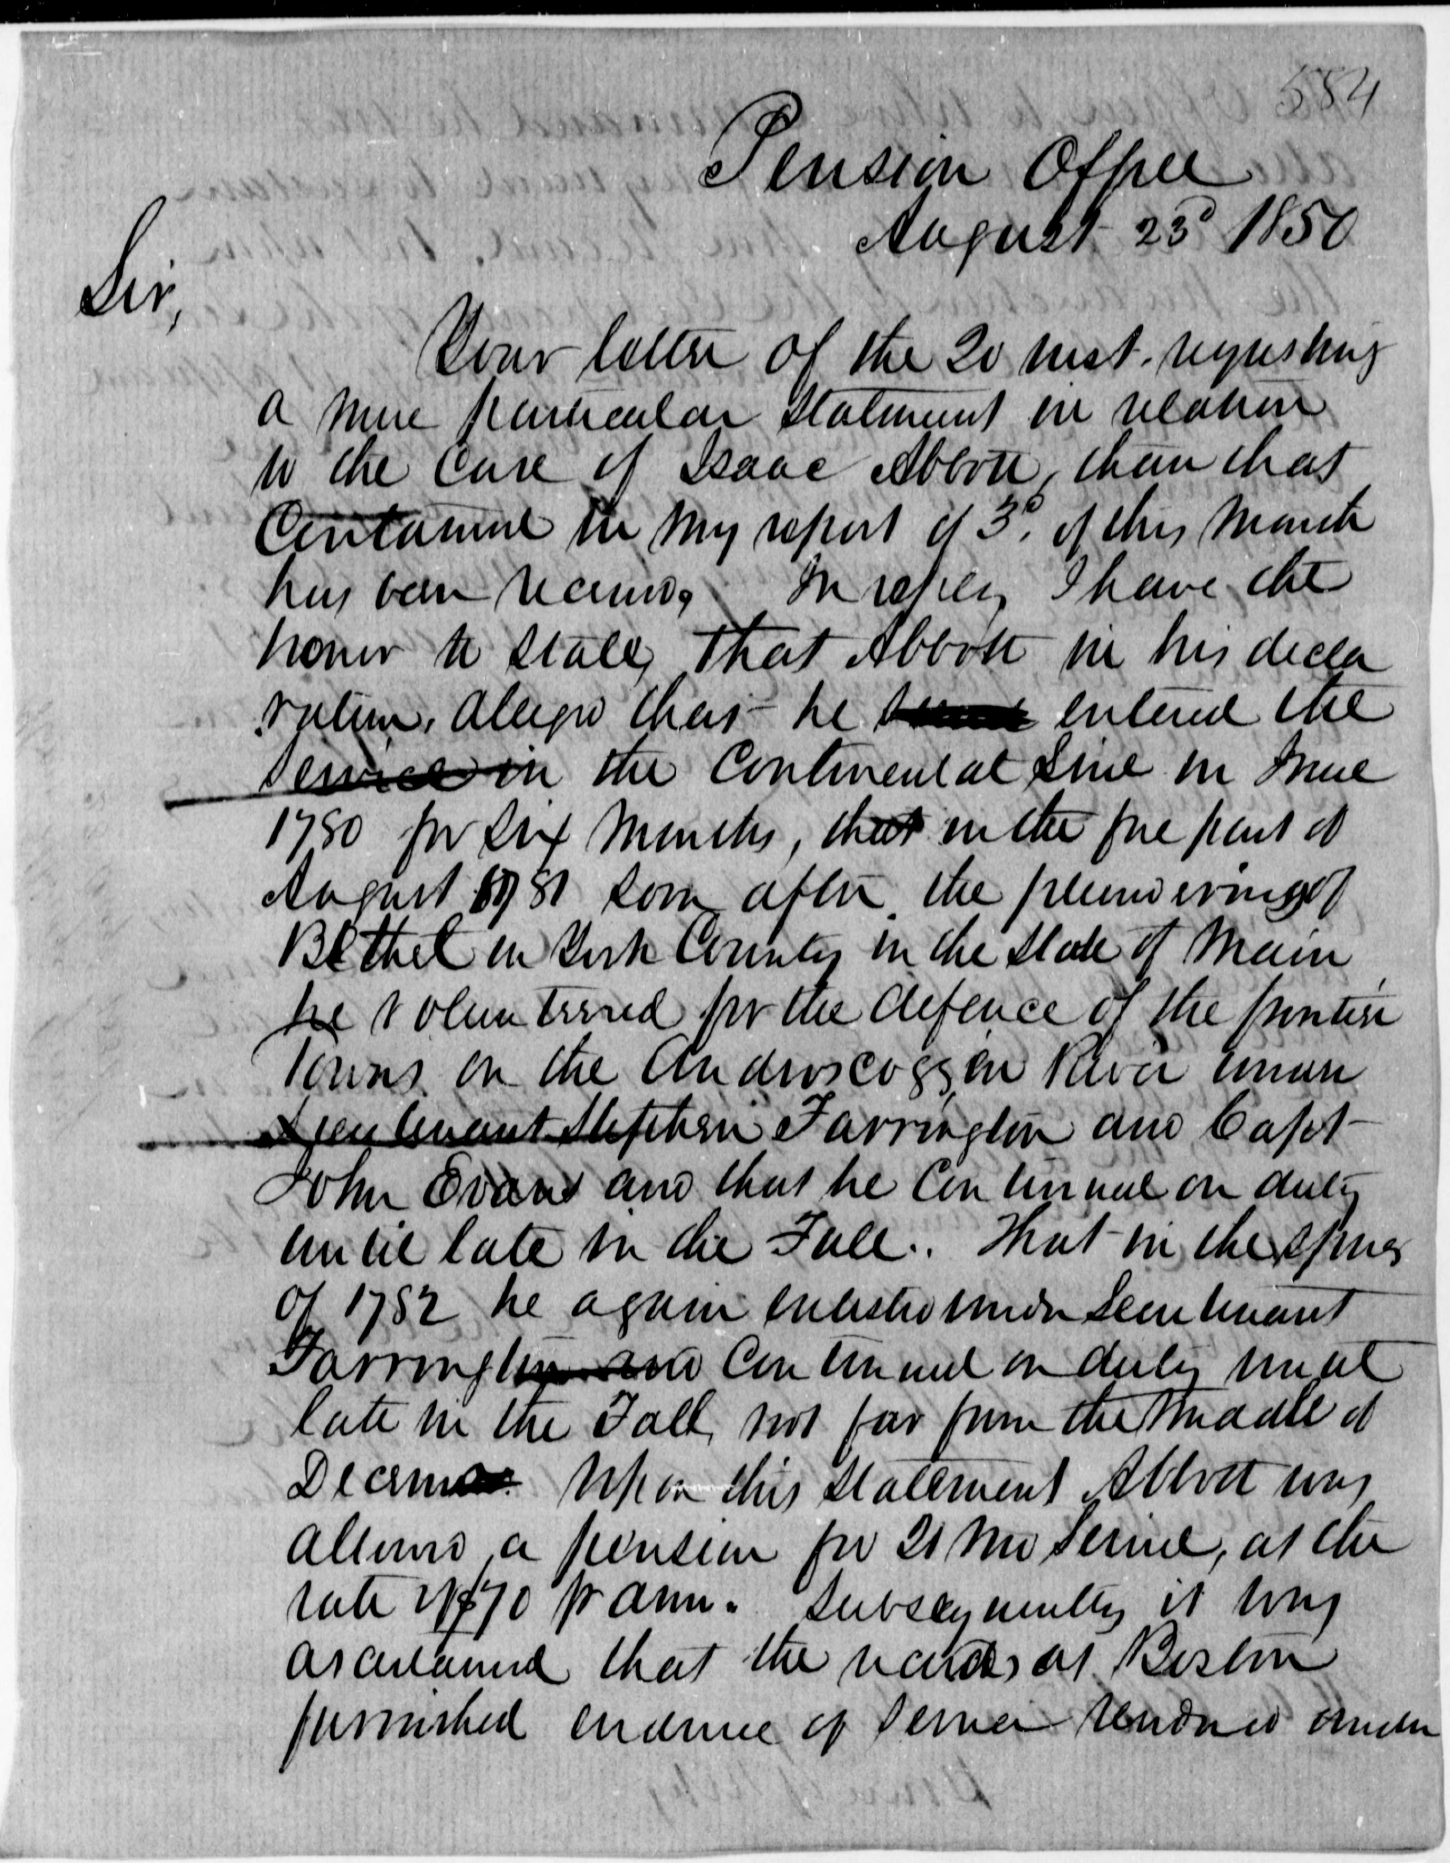584
Pension Office
August 23rd, 1850

Sir,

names: Stephen Farrington, Isaac Abbott, Farrington, John Evans, Abbott, Abbott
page: 34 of 86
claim: survivor's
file: S 29,568, Isaac Abbot, Mass